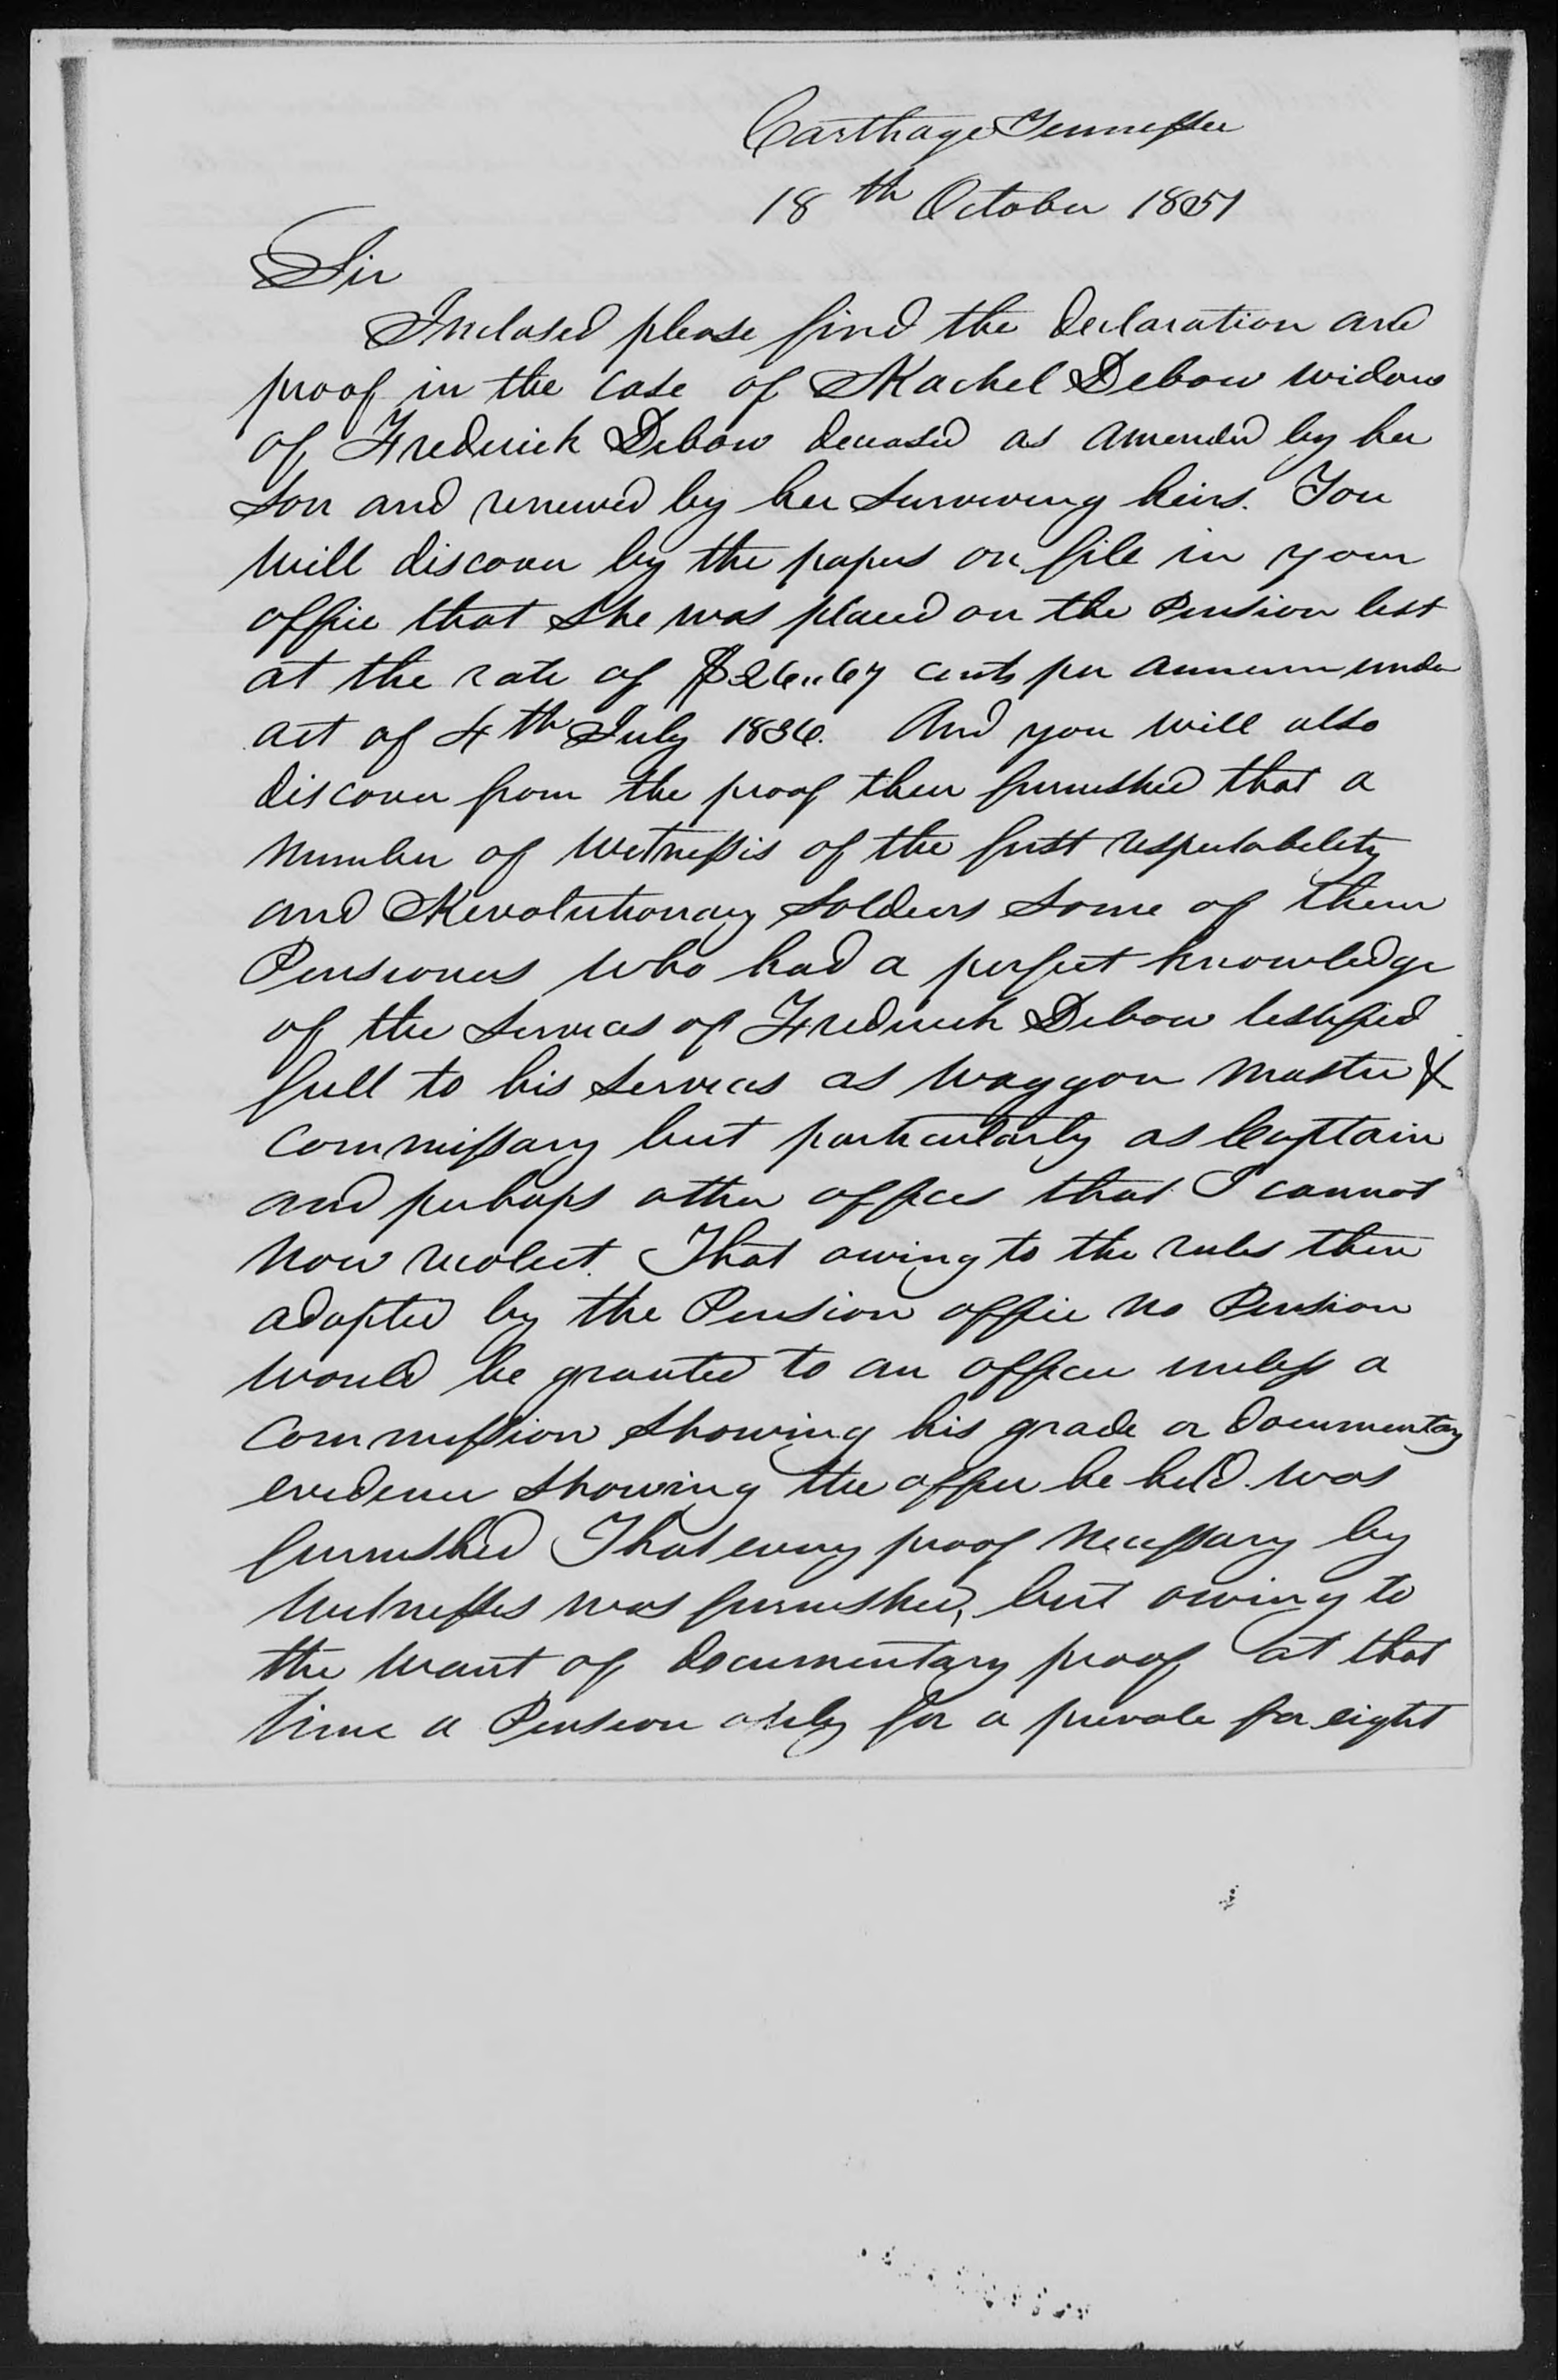Carthage Tennessee
18th October 1851
Sir
Inclosed please find the declaration and proof in the case of Rachel Debow widow of Frederick Debow deceased and amended by her son and reviewed by her surviving heirs. You will discover by the papers on file in your office that she was place on the pension list at the rate of $26..67 costs per annum under Act of 4th July 1836. And you will also discover from the proof then furnished that a number of witnesses is of the first respectability and Revolutionary Solders some of them pensioners who had a perfect knowledge of the services of Frederick Debow testified full to his services as Waggon Master & Commissary but particularly as Captain and perhaps other offices that I cannot now recollect. That owing to the rules then adapted by the Pension office no pension would be granted to an officer unless a commission showing his grade or documented evidence showing the officer be held was furnished. That every proof necessary by witnesses was furnished, but owing to the want of documentary proof at that time a pension only for a private for eight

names: Frederick Debow, Frederick Debow, Rachel Debow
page: 29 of 62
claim: widow's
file: W 7005, Frederick Debow, N.C.